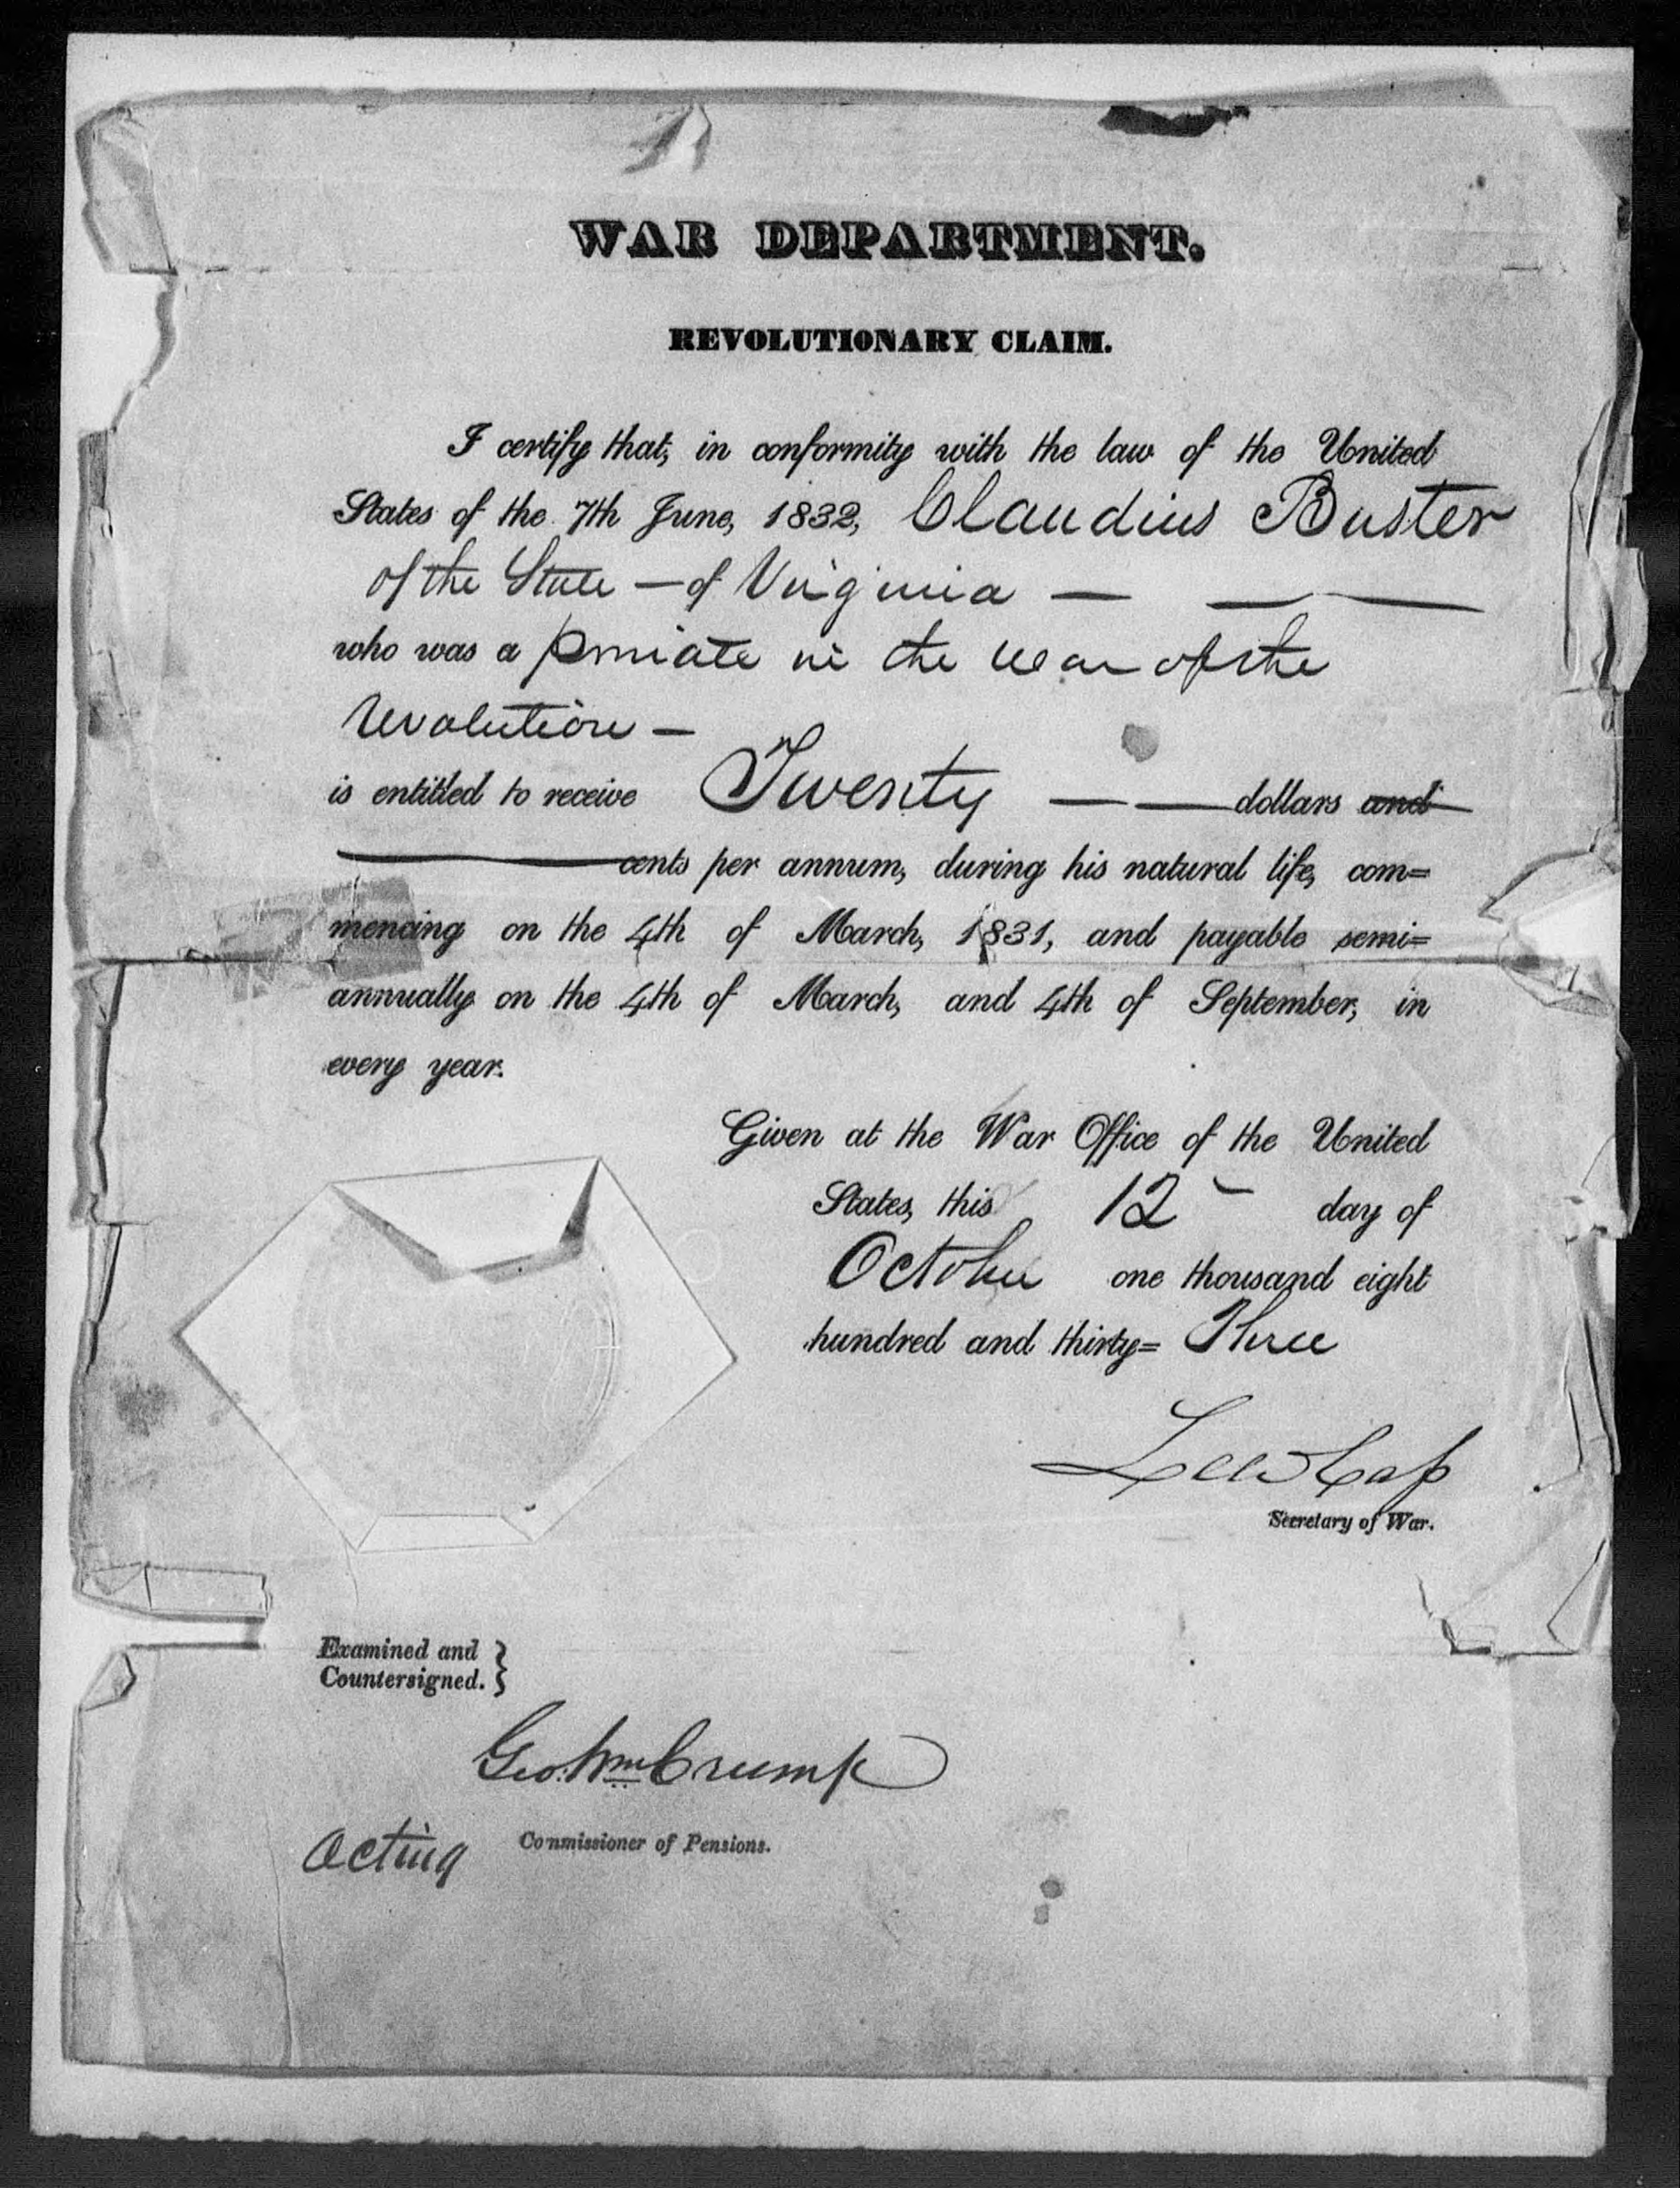WAR DEPARTMENT.
REVOLUTIONARY CLAIM.
I certify that, in conformity with the law of the United States of the 7th June 1832, Claudius Buster of the State - of Virginia - who was a private in the war of the revolution - is entitled to receive Twenty dollars per annum, during his [illegible] life commencing on the 4th of March, 1831, and payable semi = annually on the 4th of March, and 4th of September, in every year.

Given at the War Office of the United States, this 12- day of October one thousand eight hundred and thirty=three

Lew Cass
Secretary of War.

Examined and Countersigned.}
Geo: Wm: Crump
acting Commissioner of Pensions.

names: Claudius Buster, Lew Cass, Geo Wm Crump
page: 43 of 71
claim: widow's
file: W. 25310, Claudius Buster, Va.